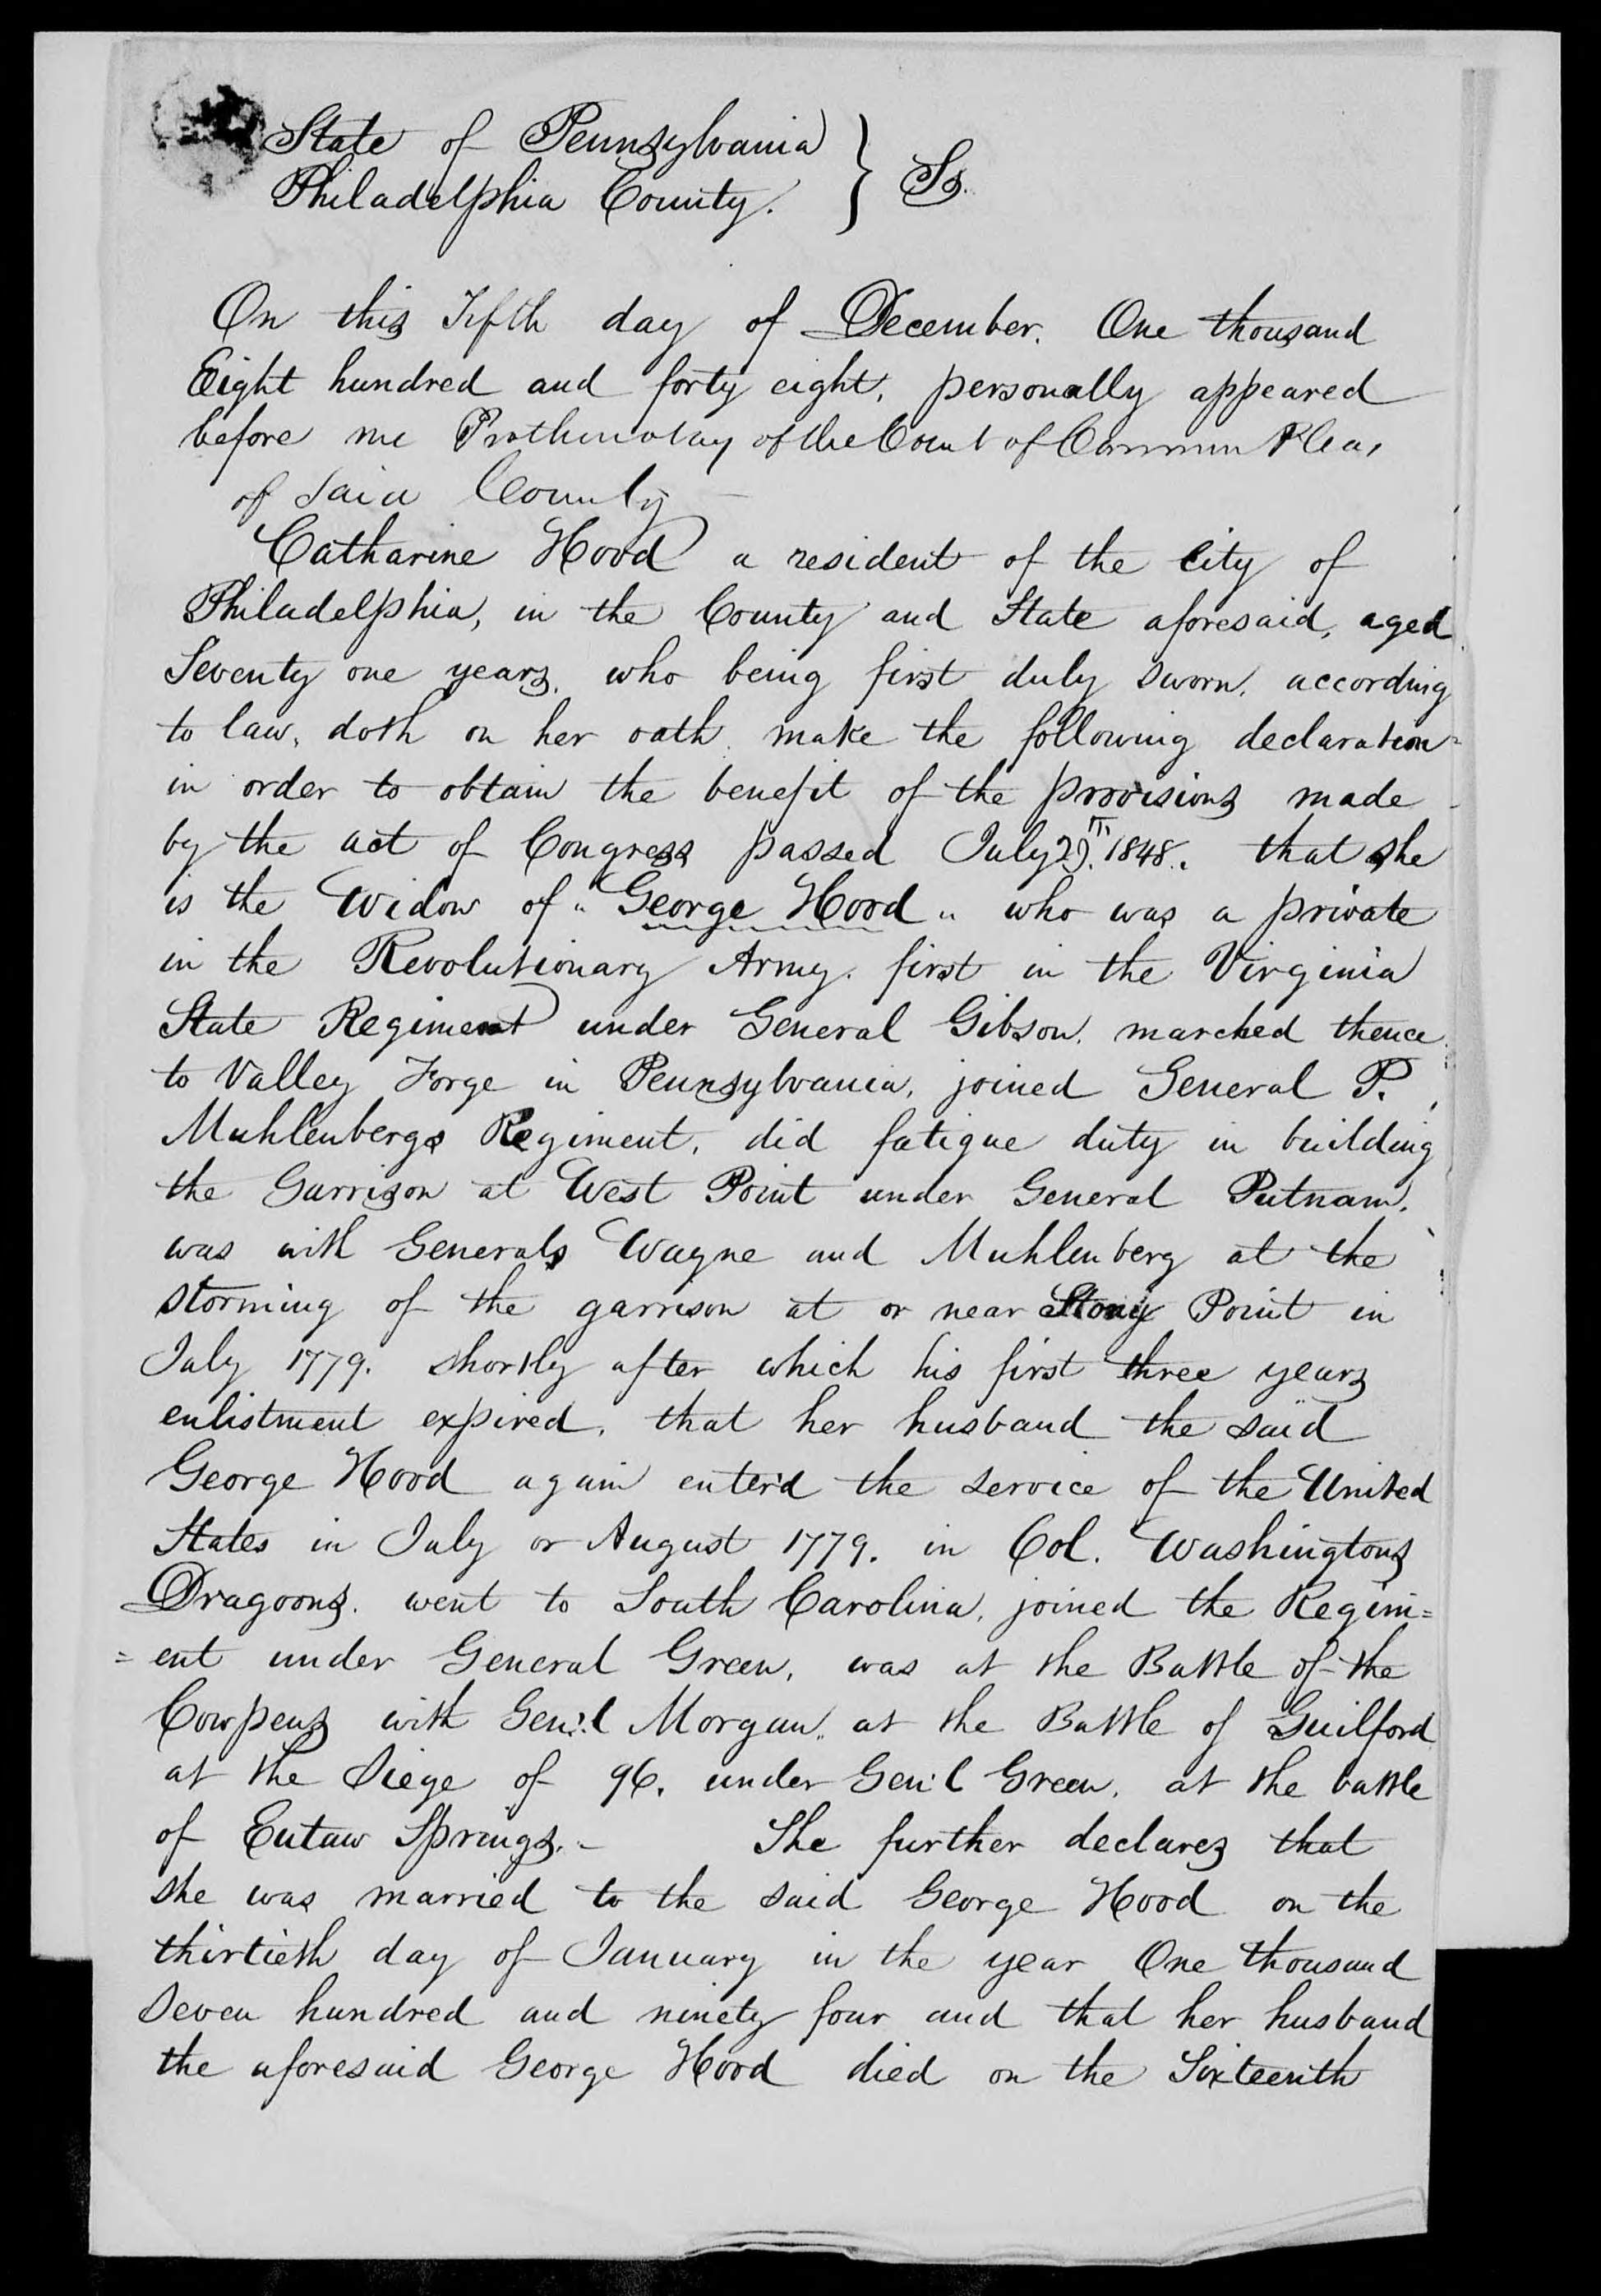State of Pennsylvania
Philadelphia County
On this fifth day of December one thousand eight hundred and forty eight, personally appeared before me Prothonotary of the Court of Common Pleas of said County,
Catharine Hood, a resident of the City of Philadelphia, in the County and State aforesaid, aged seventy one years, who being first duly sworn according to law, doth on her oath make the following declaration in order to obtain the benefit of the provisions made by the act of Congress passed July 29th 1848. That she is the widow of George Hood, who was a Private in the Revolutionary Army, first in the Virginia State Regiment under General Gibson, marched there to Valley Forge in Pennsylvania, joined General George P. Muhlenberg’s Regiment, did fatigue duty in building the garrison of West Point under General Putnam, was with General[s] Wayne and Muhlenberg at the storming of the garrison at or near Stony Point in July 1779. Shortly after which his first three years enlistment expired. That her husband, the said George Hood, again [re]entered the service of the United States in July or August 1779 in Col. Washington’s Dragoons, went to South Carolina, joined the Regiment under General Greene, was at the Battle of Cowpens with General Morgan, at the Battle of Guilford Courthouse, at the Siege of 96, [and at] the Battle of Eutaw Springs under [General Greene]. She further declares that she was married to the said George Hood on the thirtieth day of January in the year one thousand seven hundred and ninety four and that her husband, the aforesaid George Hood, died on the sixteenth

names: Green, Catharine Hood, Gibson, Putnam, George Hood, Green, Muhlenberg, Morgan, Wayne, George Hood, George Hood, George Hood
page: 7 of 51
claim: widow's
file: W 8939, George Hood, Continental Va.